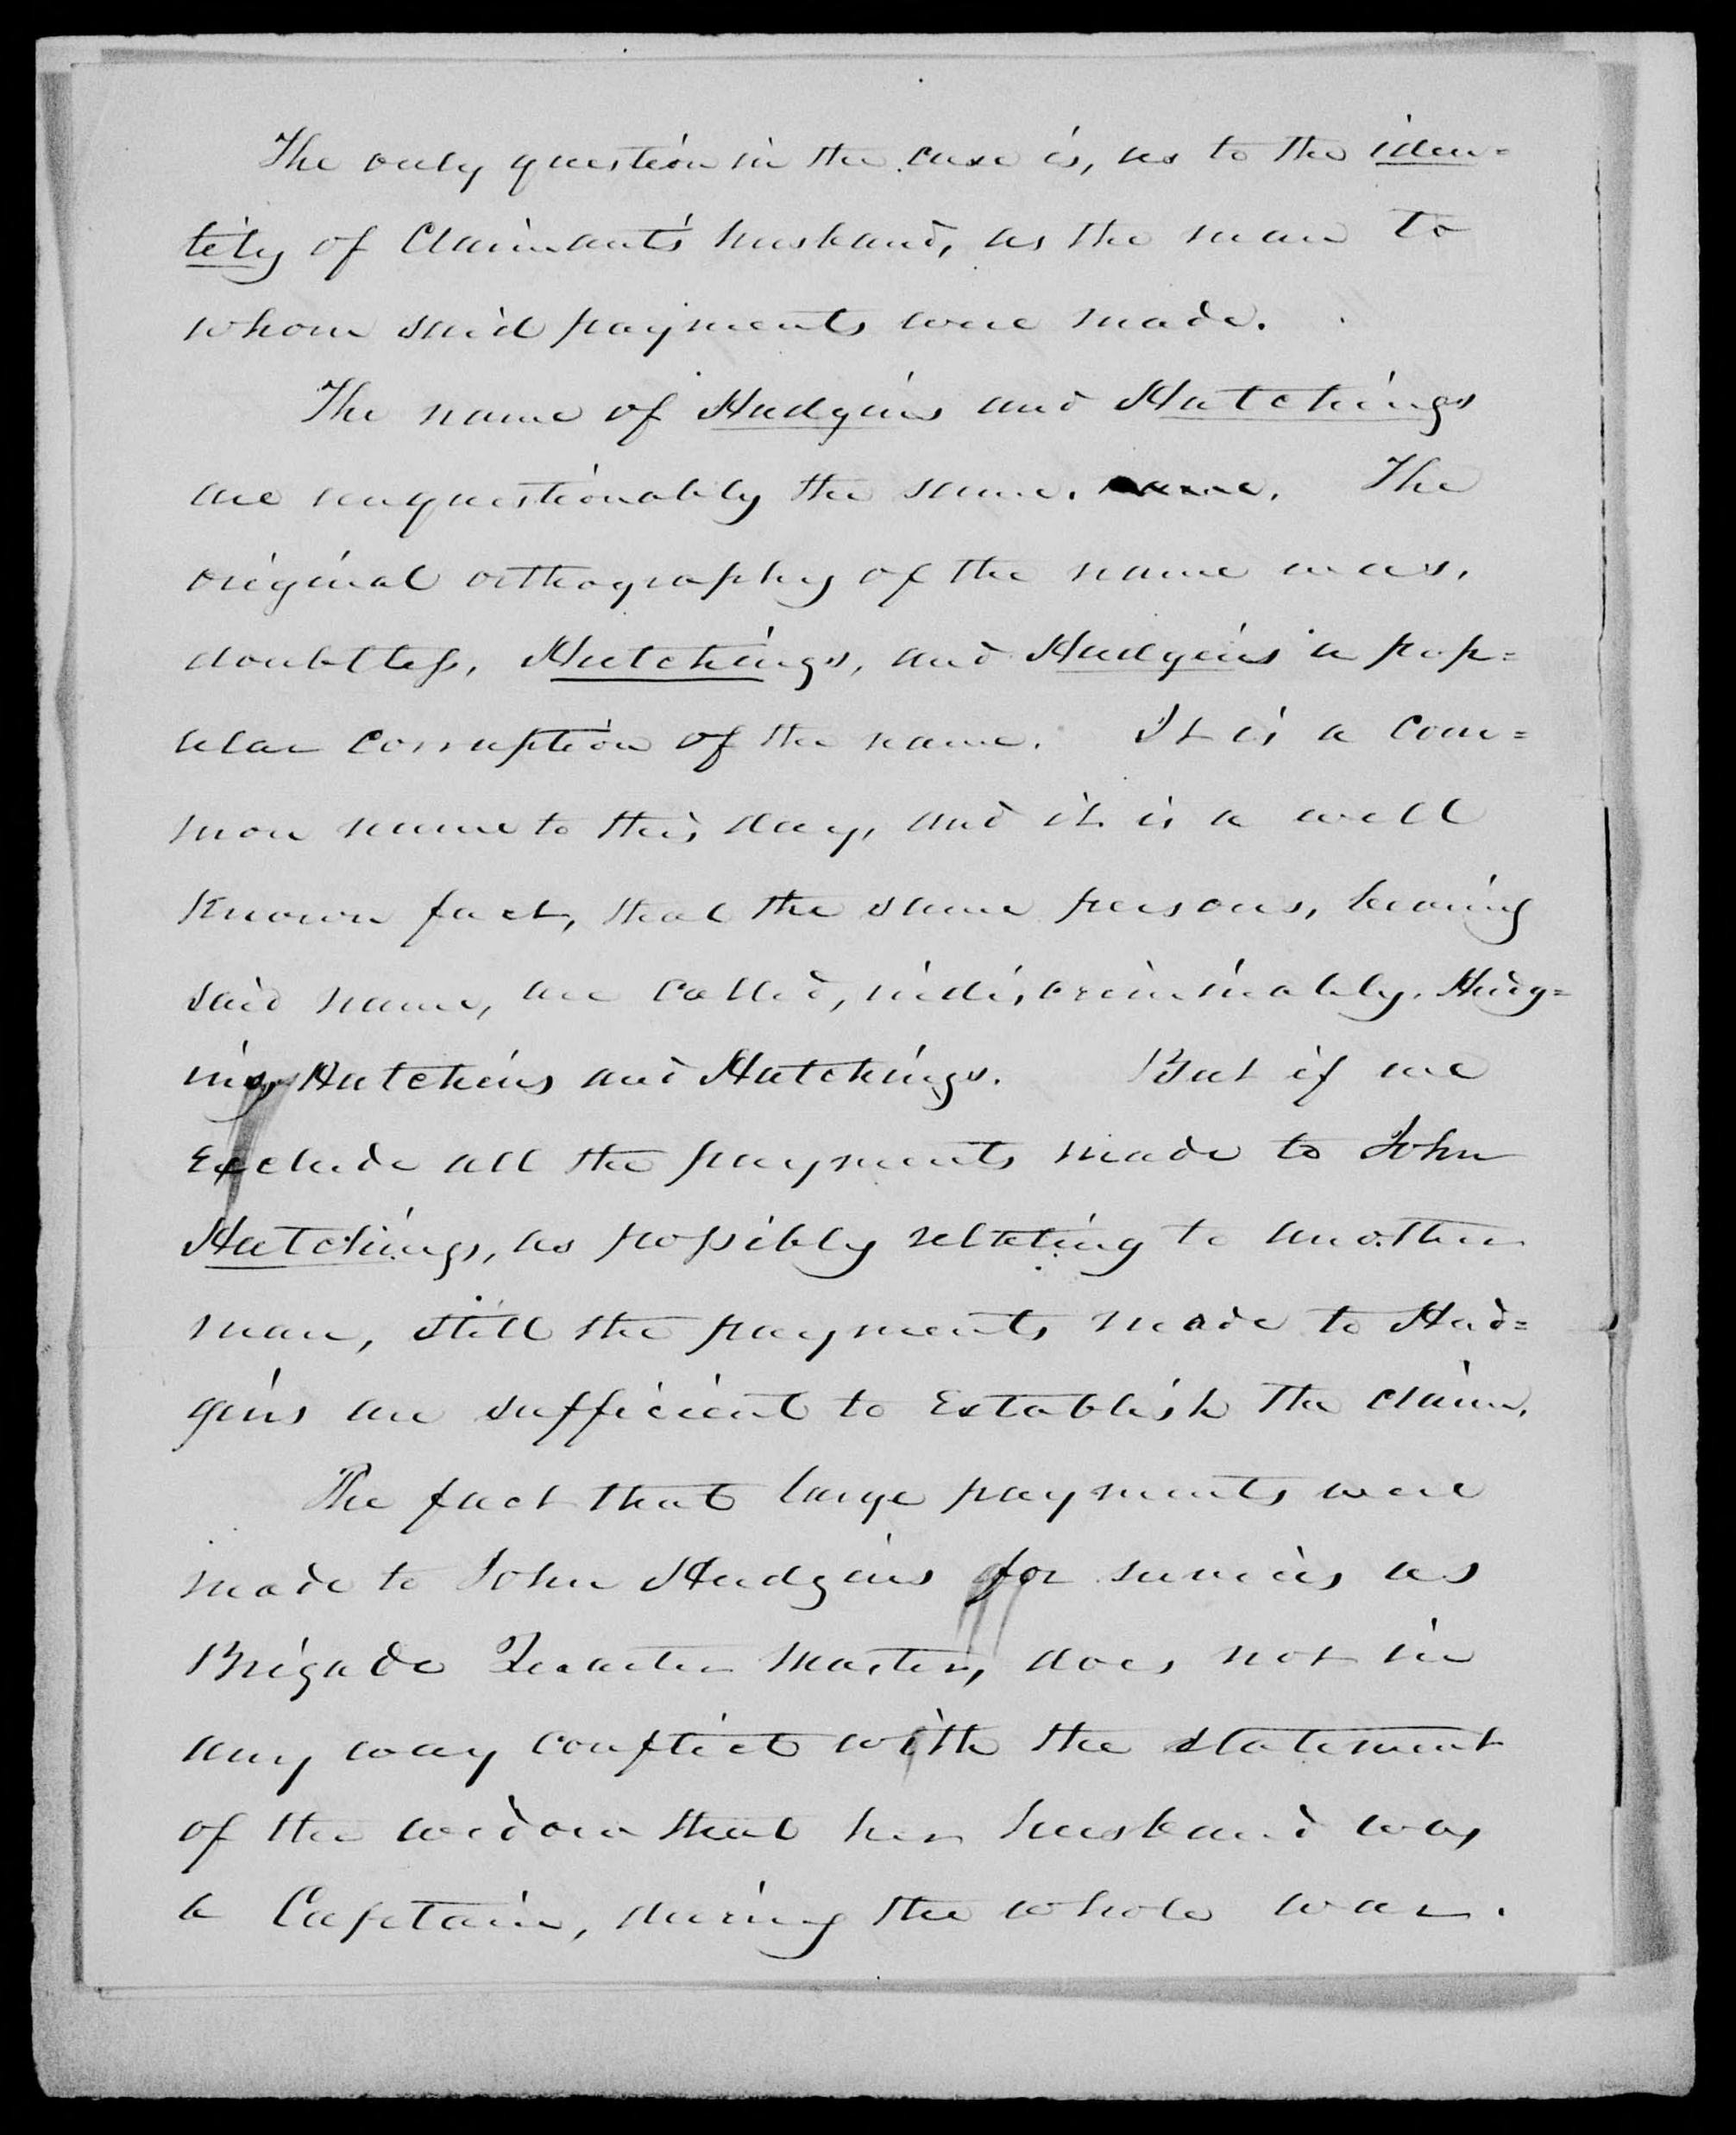The only question in the case is us to the identity (underlined) of claimants’ husband, as the man to whom said payments were made.
    The name of Hudgins (underlined) and Hutchings (underlined) are unquestionably the same man. The original orthography of the name was doubtful. Hutchings (underlined) and Hudgins (underlined) is popular compilation of the name. It is a common name to this day, and it is a well known fact  that the same persons having said name, are called widely creditably  Hudgins Hutchins and Hutchings.  But if we exclude all the payments made to John Hutchings, as possibly relating to another man, still the payments made to Hudgins are sufficient to establish the claim.
     The fact that large payments were made to John Hudgins for services as Brigade Quarter Master, does not in any way conflict with the statement of the widow that her husband was a Captain during the whole war.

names: John Hutchings, John Hudgins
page: 91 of 108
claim: rejected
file: R. 7,515, John Hudgins, N.C.